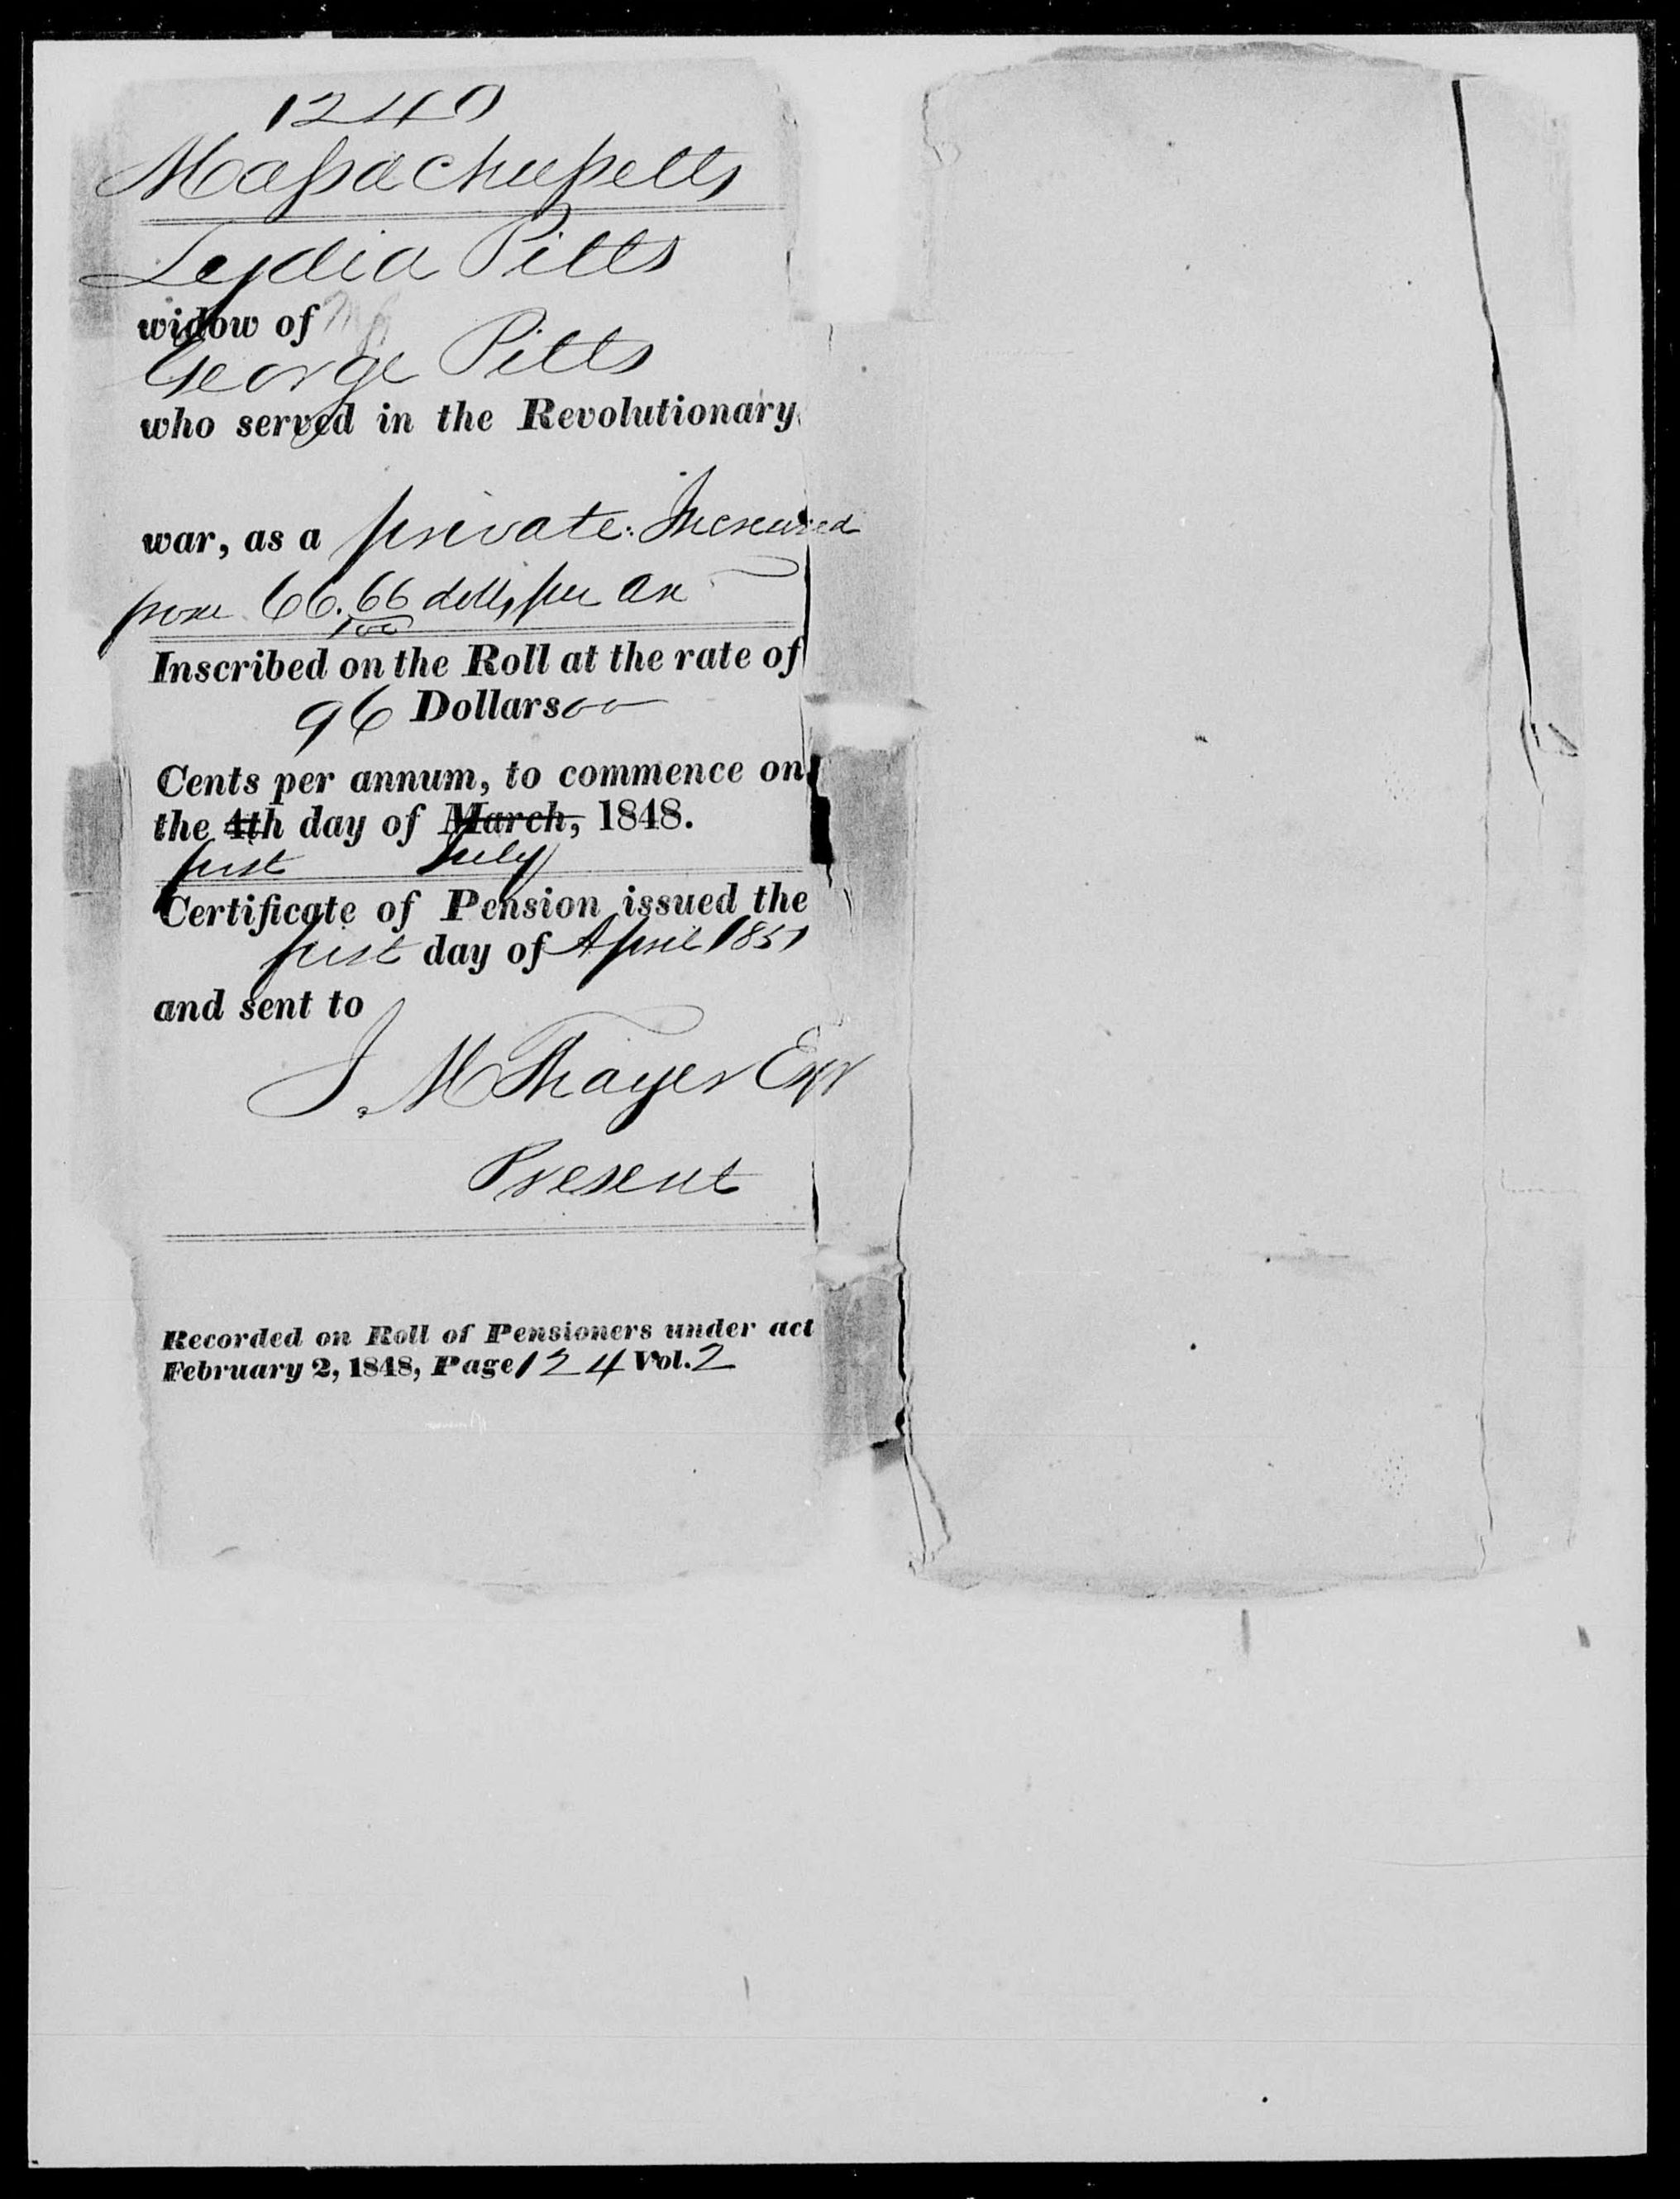1240
Massachusetts
Lydia Pitts widow of George Pitts
who served in the Revolutionary war, as a private.
Increased from 6.66 dolls per annum.
Inscribed on the Roll at the rate of
96 Dollars Cents per annum, to commence on
the first day of [crossed out March] July, 1848.
Certificate of Pension issued the first day of April 1851 and sent to
J. M.  Thayer Est
Present
Recorded on Roll of Pensioners under act
February 2, 1848, Page 124 Vol. 2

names: Lydia Pitts; J M Thayer; George Pitts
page: 9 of 54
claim: widow's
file: W. 26,897, for George Pitts, Massachusetts